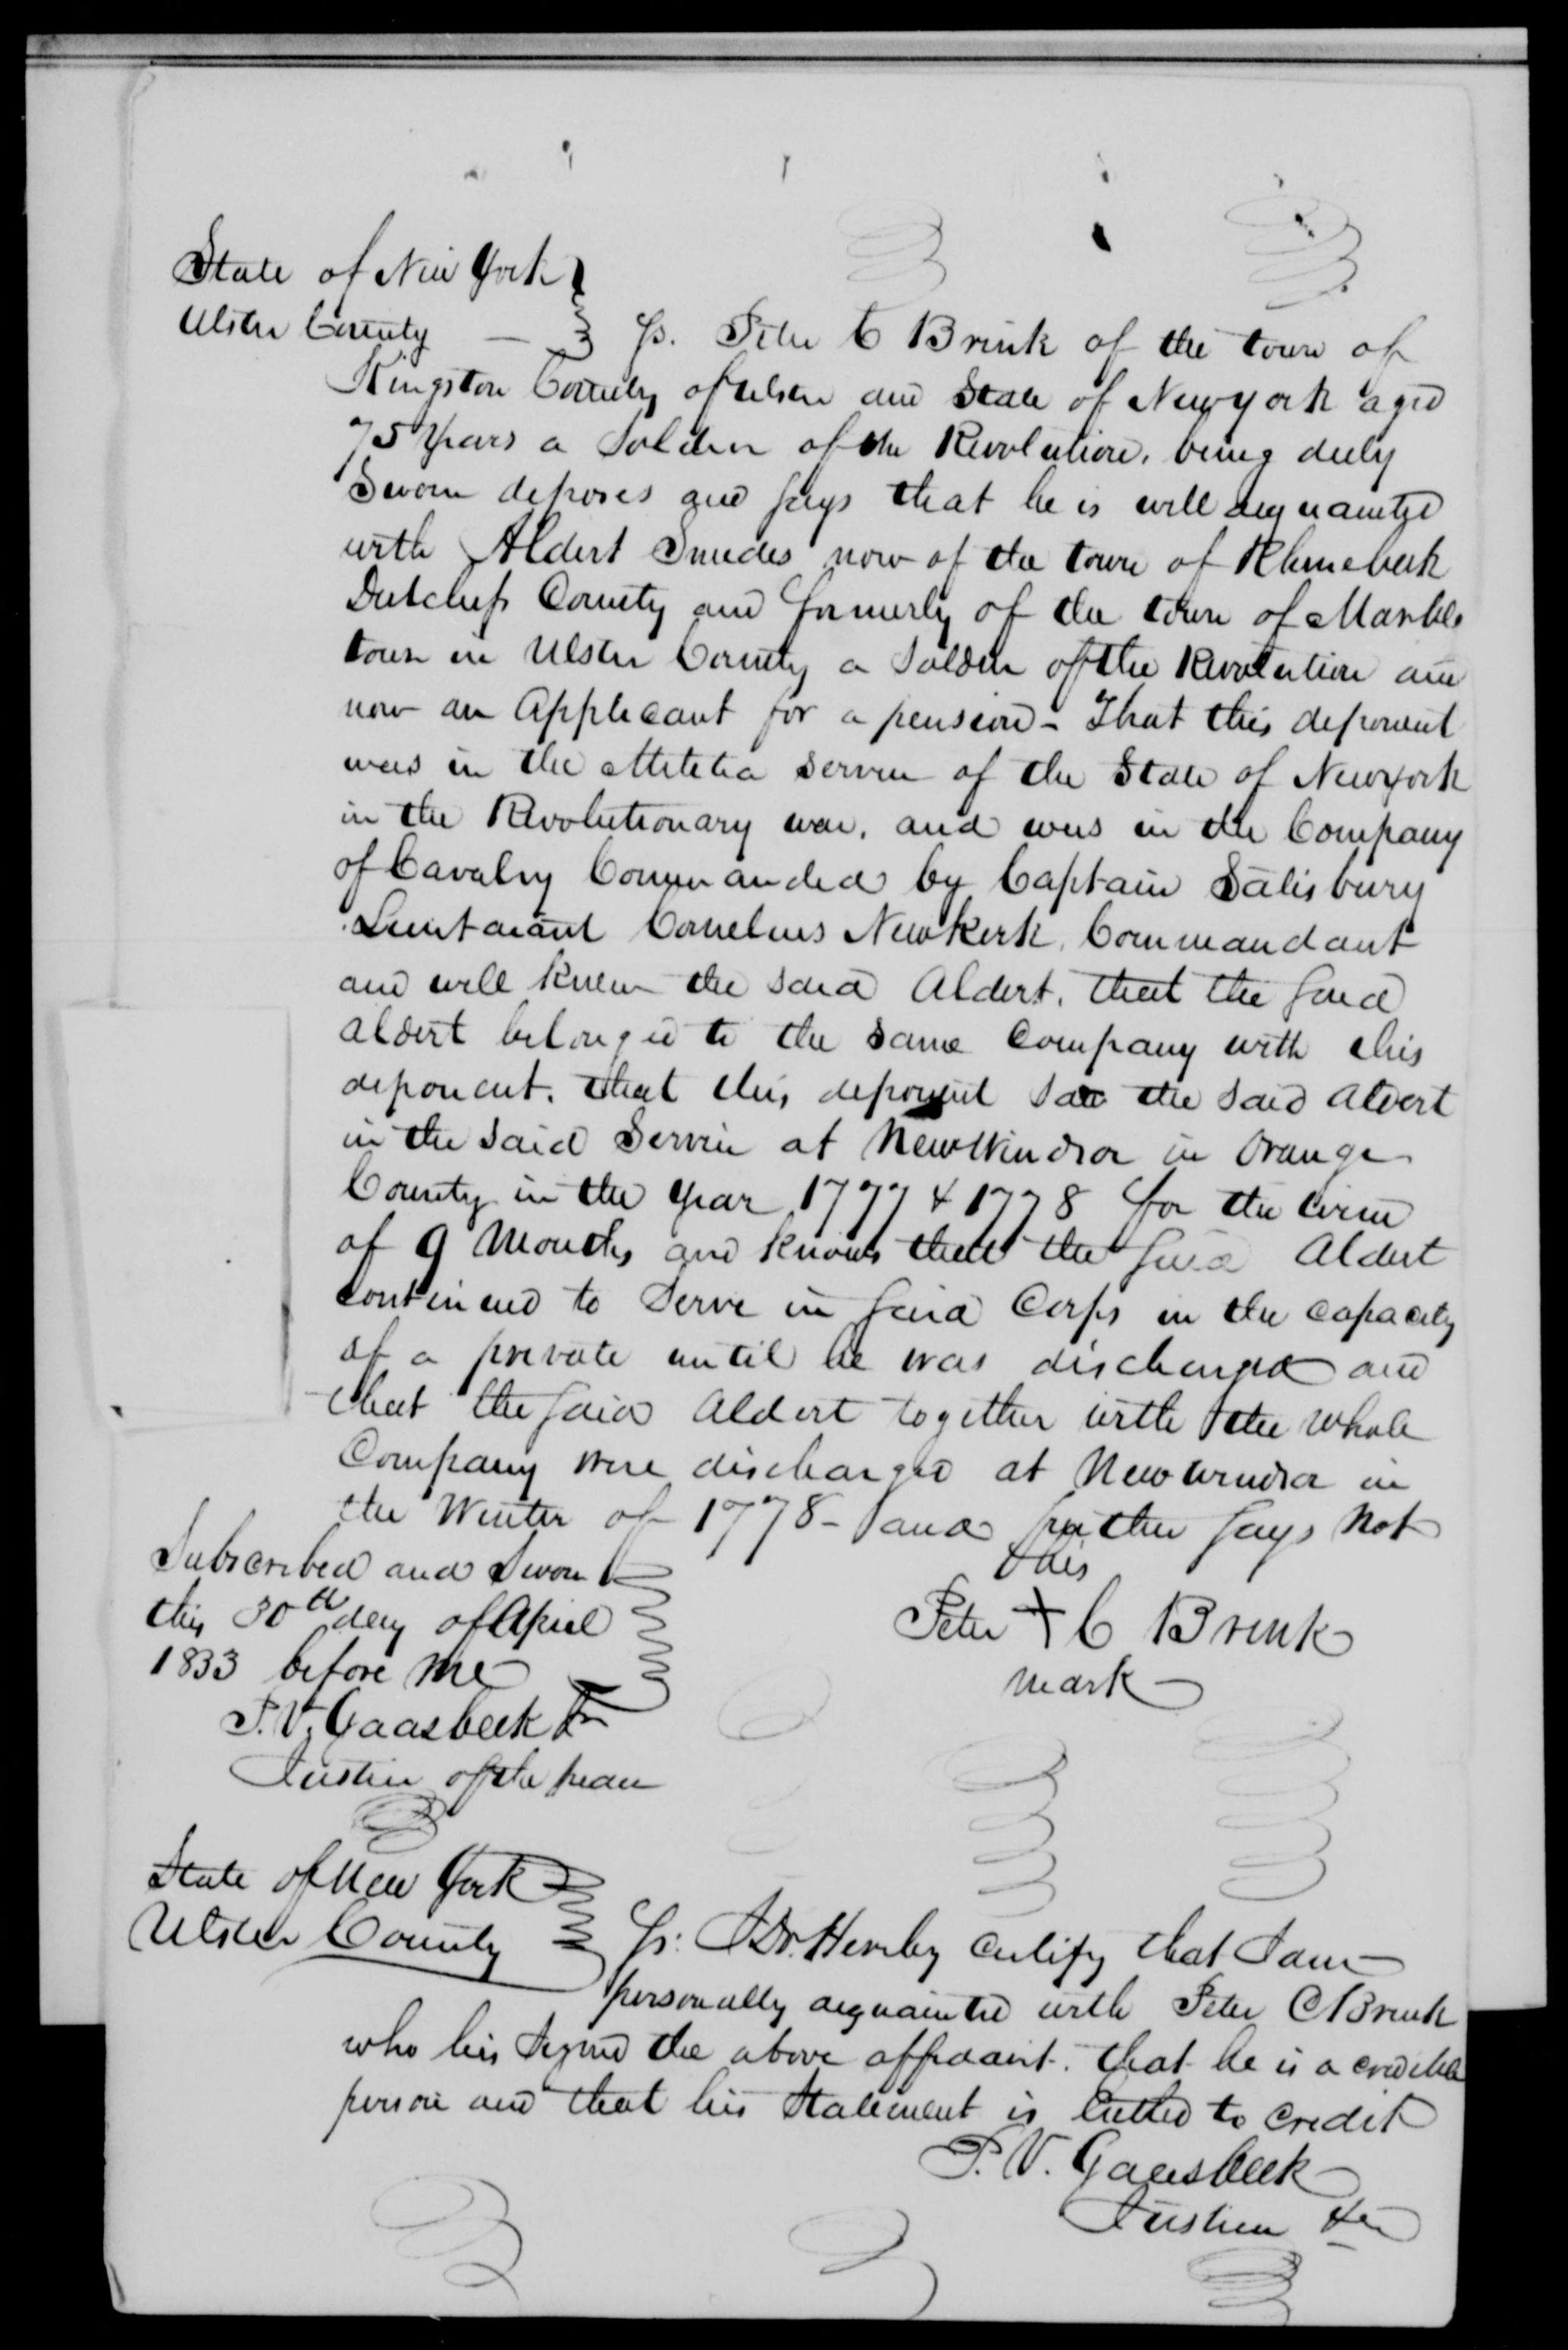State of New York
Ulster County ss.

Peter C Brink of the town of Kingston County of Ulster and State of New York aged 75 years a soldier of the Revolution, being duly sworn deposes and says that he is well acquainted with Aldert Smedes now of the town of Rhinebeck Dutches County and formerly of the town of Marbletown in Ulster County a soldier of the Revolution and now an applicant for a pension - that this deponent was in the militia service of the state of New York in the Revolutionary war, and was in the company of Cavalry commanded by Captain Salisbury Lieutenant Cornelius Newkirk, commandant and well know the said Aldert, that the said Aldert belonged to the same company with his deponent, that this deponent saw the said Aldert in the said service of New Windsor in Orange County in the year 1777 and 1778 for the term of 9 months, and knowns that the said Aldert continued to service in said corps in the capacity of a private until he was discharged and that the said Aldert together with the whole company were discharged at New Windsor in the winter of 1778 and further says not.
Peter C Brink X (his mark)

Subscribed and sworn this 30 day of April 1833
before me
P. N. Gaasbeck
Justice of the Peace

State of New York
Ulster County ss.

I do hereby certify that I am personally acquainted with Peter C Brink who his signed the above affidavit, that he is a credible person and that his statement is entitled to credit.

P. N. Gaasbeck
Justice Peace
I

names: Peter C Bruck; Peter C Bruck; Aldert [BLANK]; [BLANK] Cornelius; P V Gaasbeck; [BLANK] Hemley; P V Gaasbeck; Aldert Smedes; [BLANK] Salisbury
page: 9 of 29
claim: survivor's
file: S. 11415, for Aldert Smedes, New York